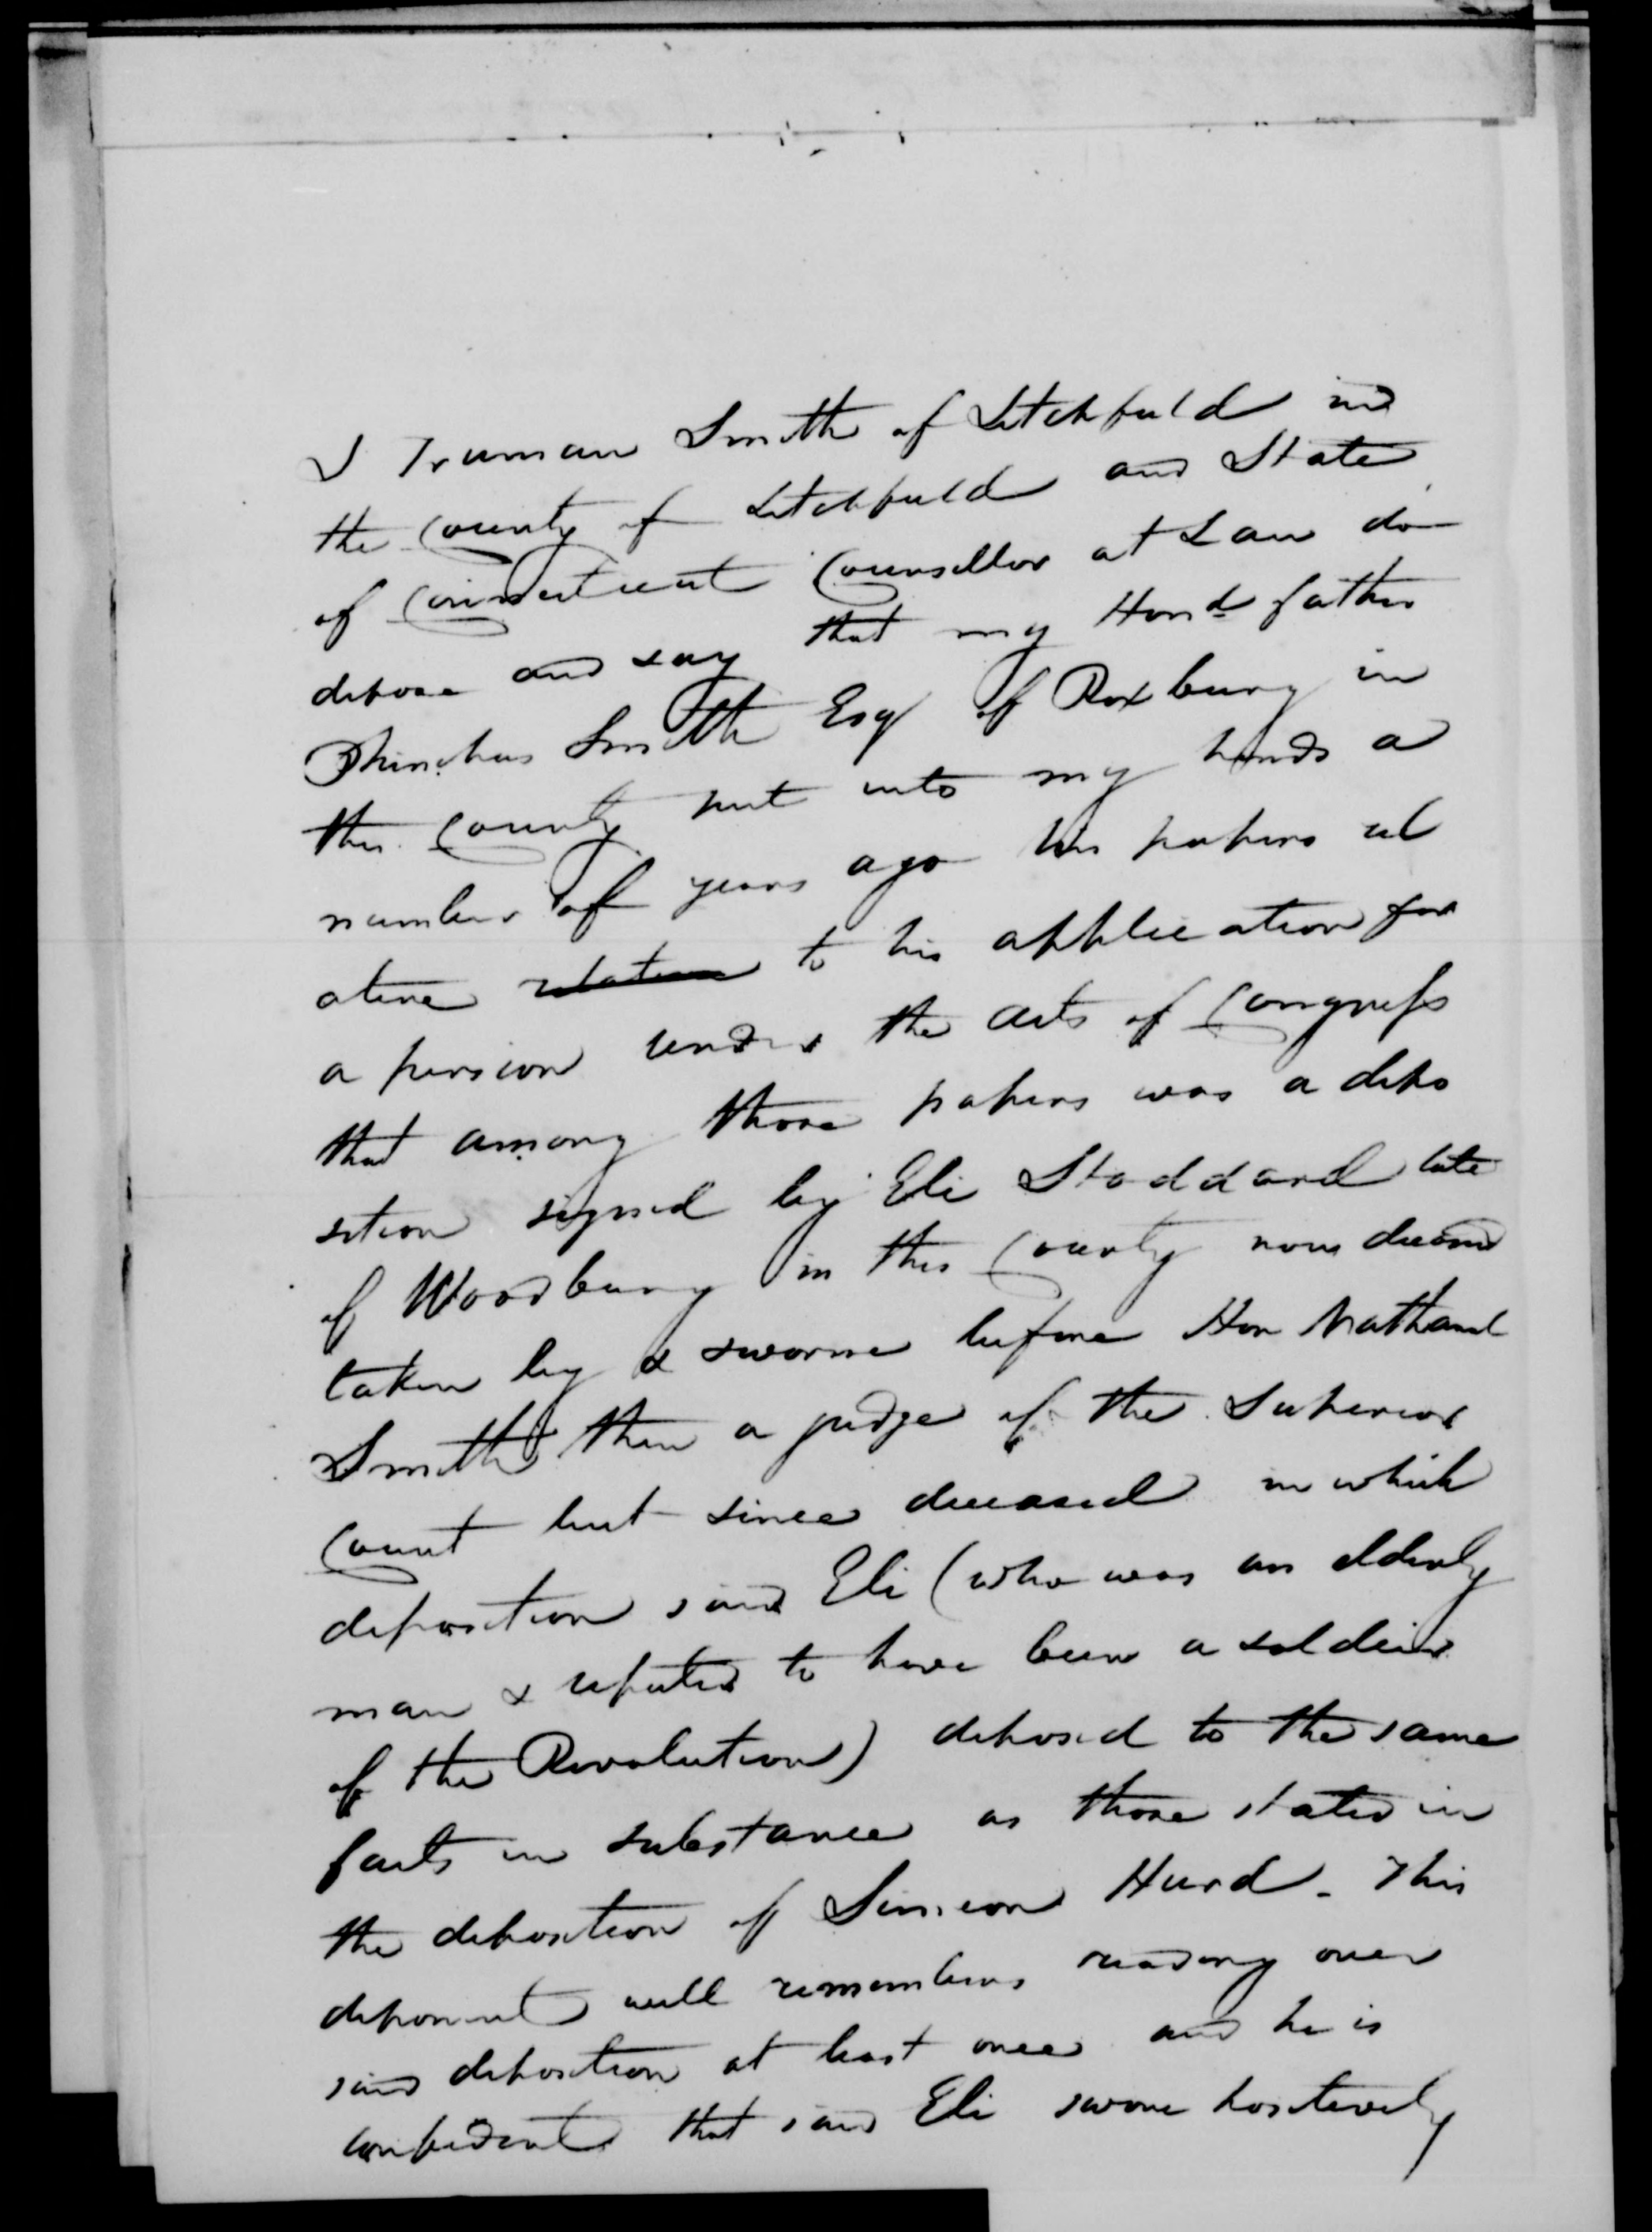I Truman Smith of Litchfield in the County of Litchfield and State at Connecticut Counsellor at Law do depose and say that my Hon’le father Phinehas Smith Esq of Roxbury in the County put into my hands a number of years ago his papers relating to his application for a pension under the acts of Congress.  That among those papers was a deposition signed by Eli Stoddard late of  Woodbury in the County now deceased taken by & sworn before Hon Nathan Smith then a Judge of the Superior Court but since deceased in which deposition, said Eli (who was an elderly man & reputed to have been a soldier of the Revolution) deposed to the same facts in substance as those stated in the deposition of Simeon Hurd. This deponent will remembers reading over deposition at least once and he is confident that said Eli Swore positively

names: Nathanl Smith; Eli [BLANK]; Eli [BLANK]; Simeon Hurd; Truman Smith; Eli Stoddard; Phinehas Smith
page: 50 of 55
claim: widow's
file: W. 11480, for Phinehas Smith, Connecticut